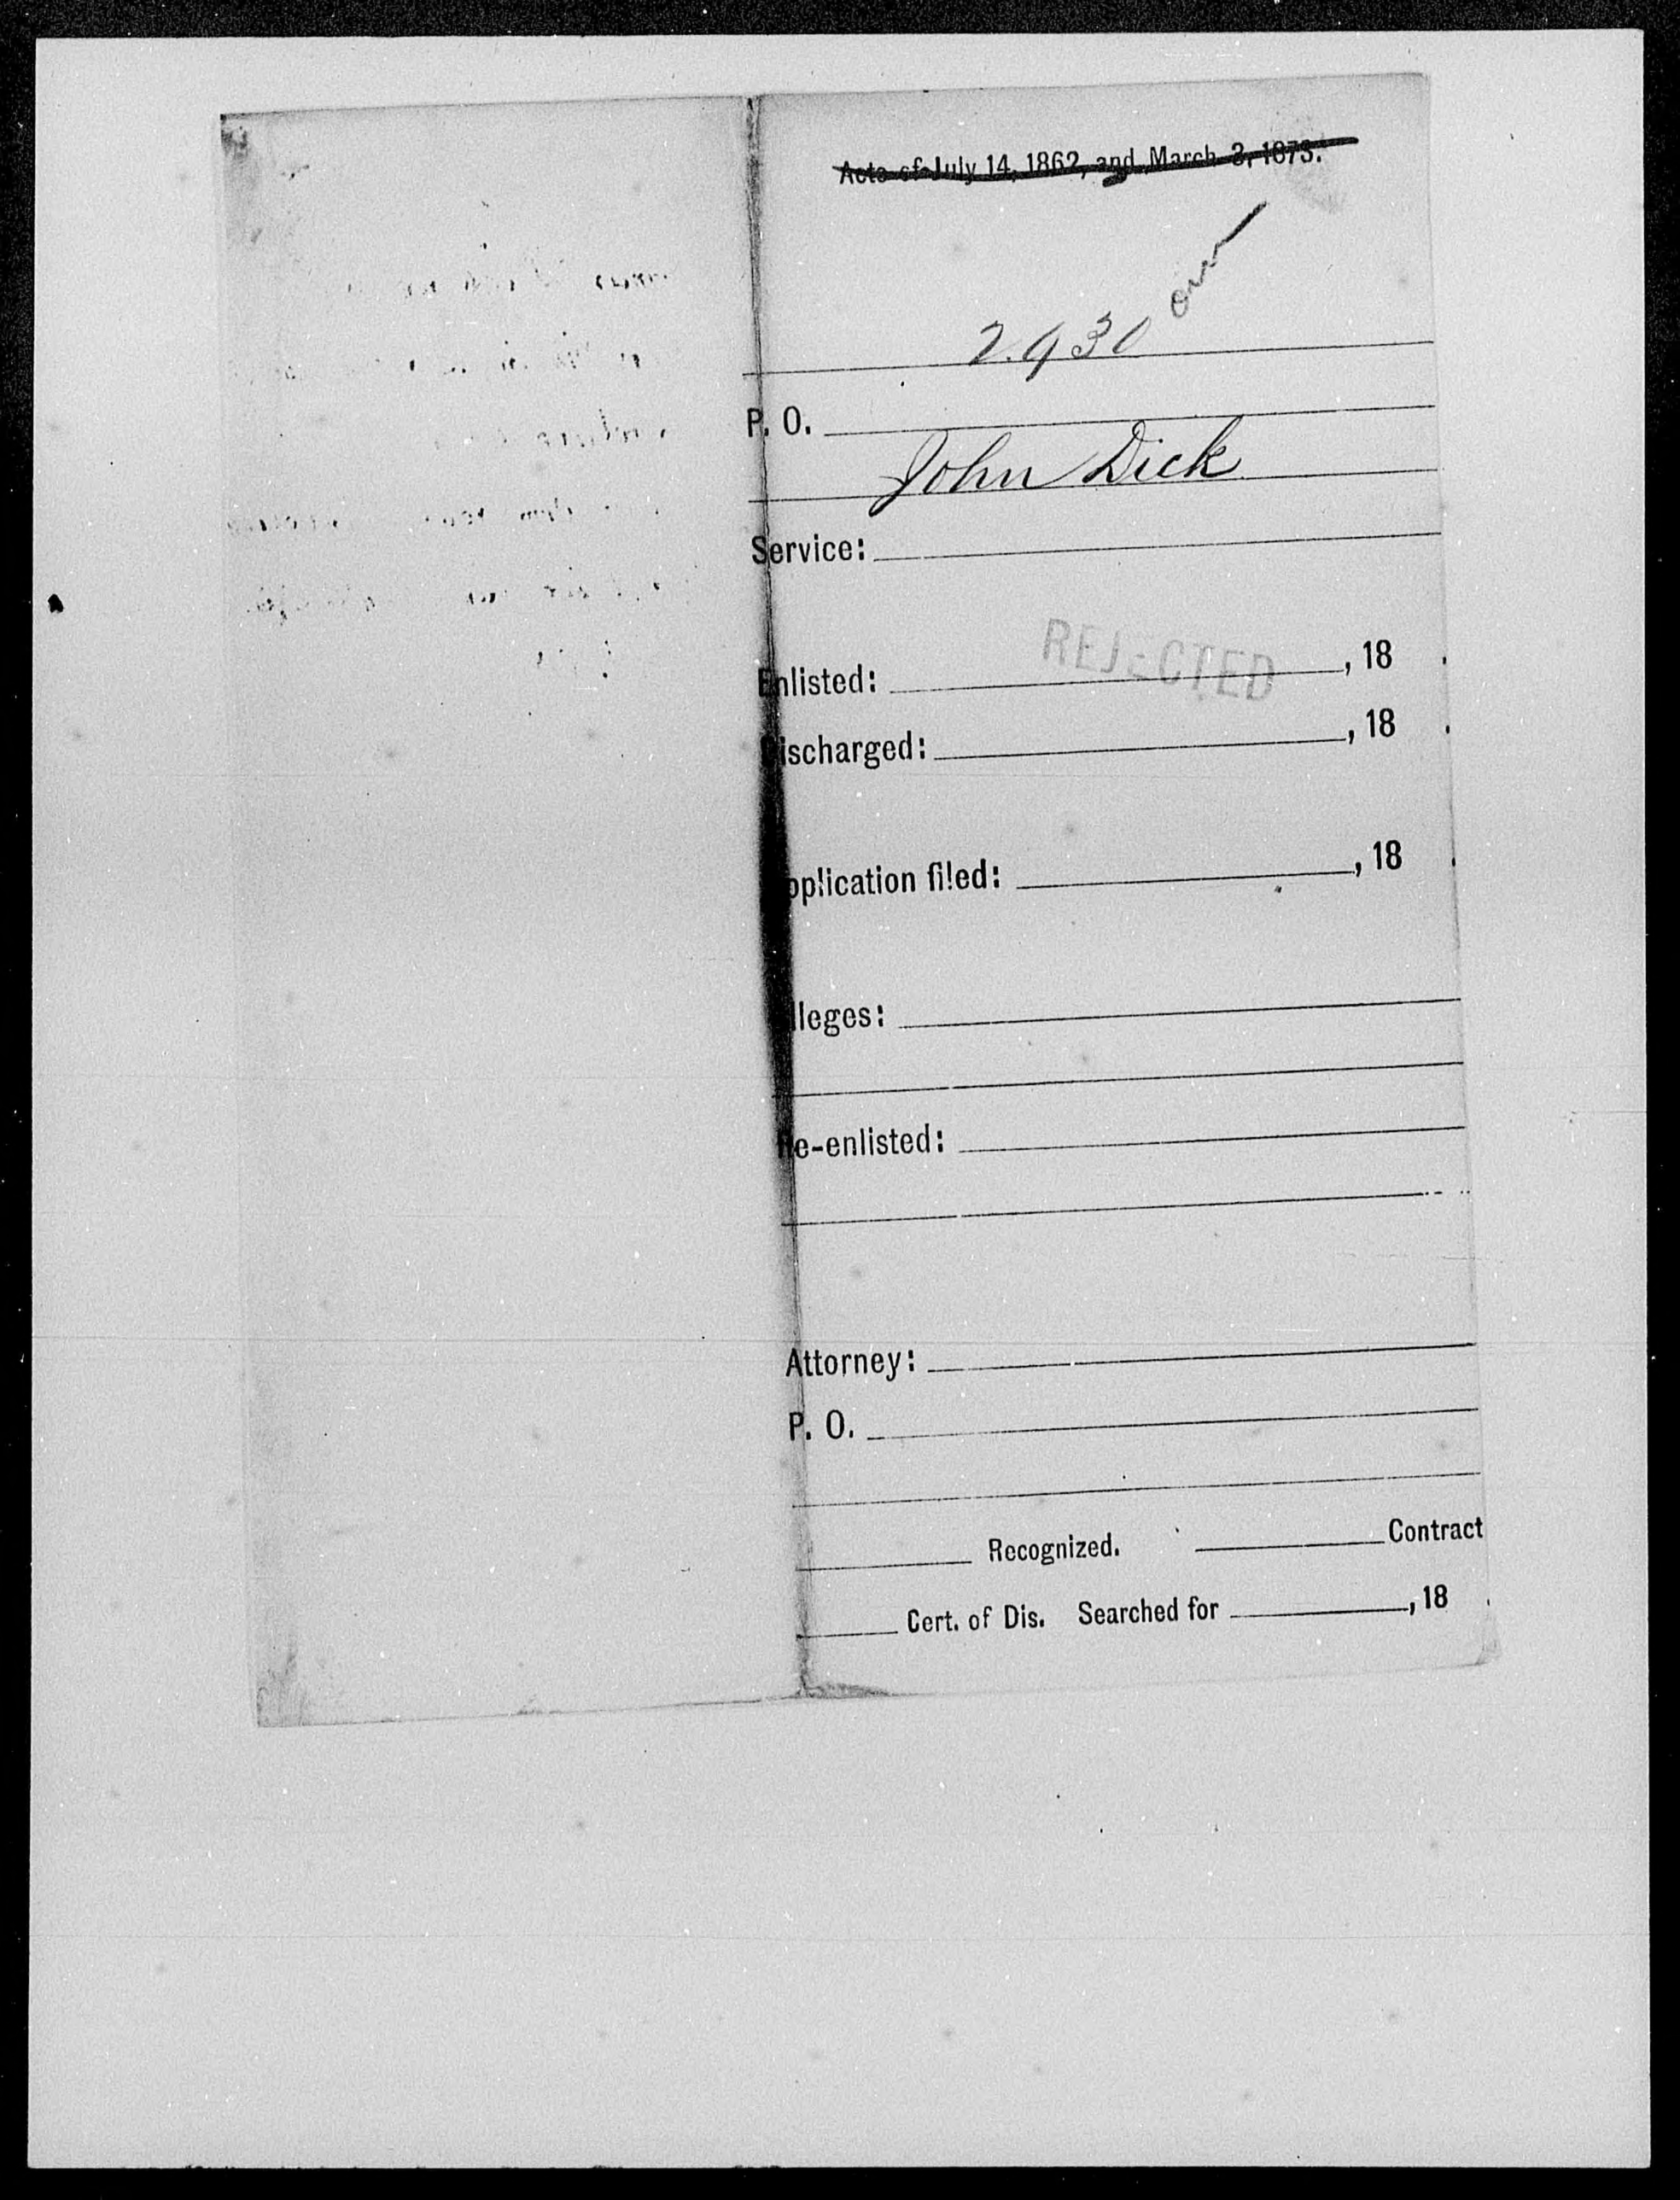['Acts of July 14, 1862, and March 3, 1873.' crossed out]
2930
P. O. ____
John Dick
Service: ____
[annotated REJECTED]
Enlisted: ____, 18.
Discharged: ____, 18.
Alleges: ____
Re-enlisted: ____
Attorney: ____
P.O. ____
____Recognized. ____Contract.
____Cert. of Dis. Searched for ____, 18.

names: John Dick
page: 9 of 9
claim: rejected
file: R. 2,930, John Dick, Vt.